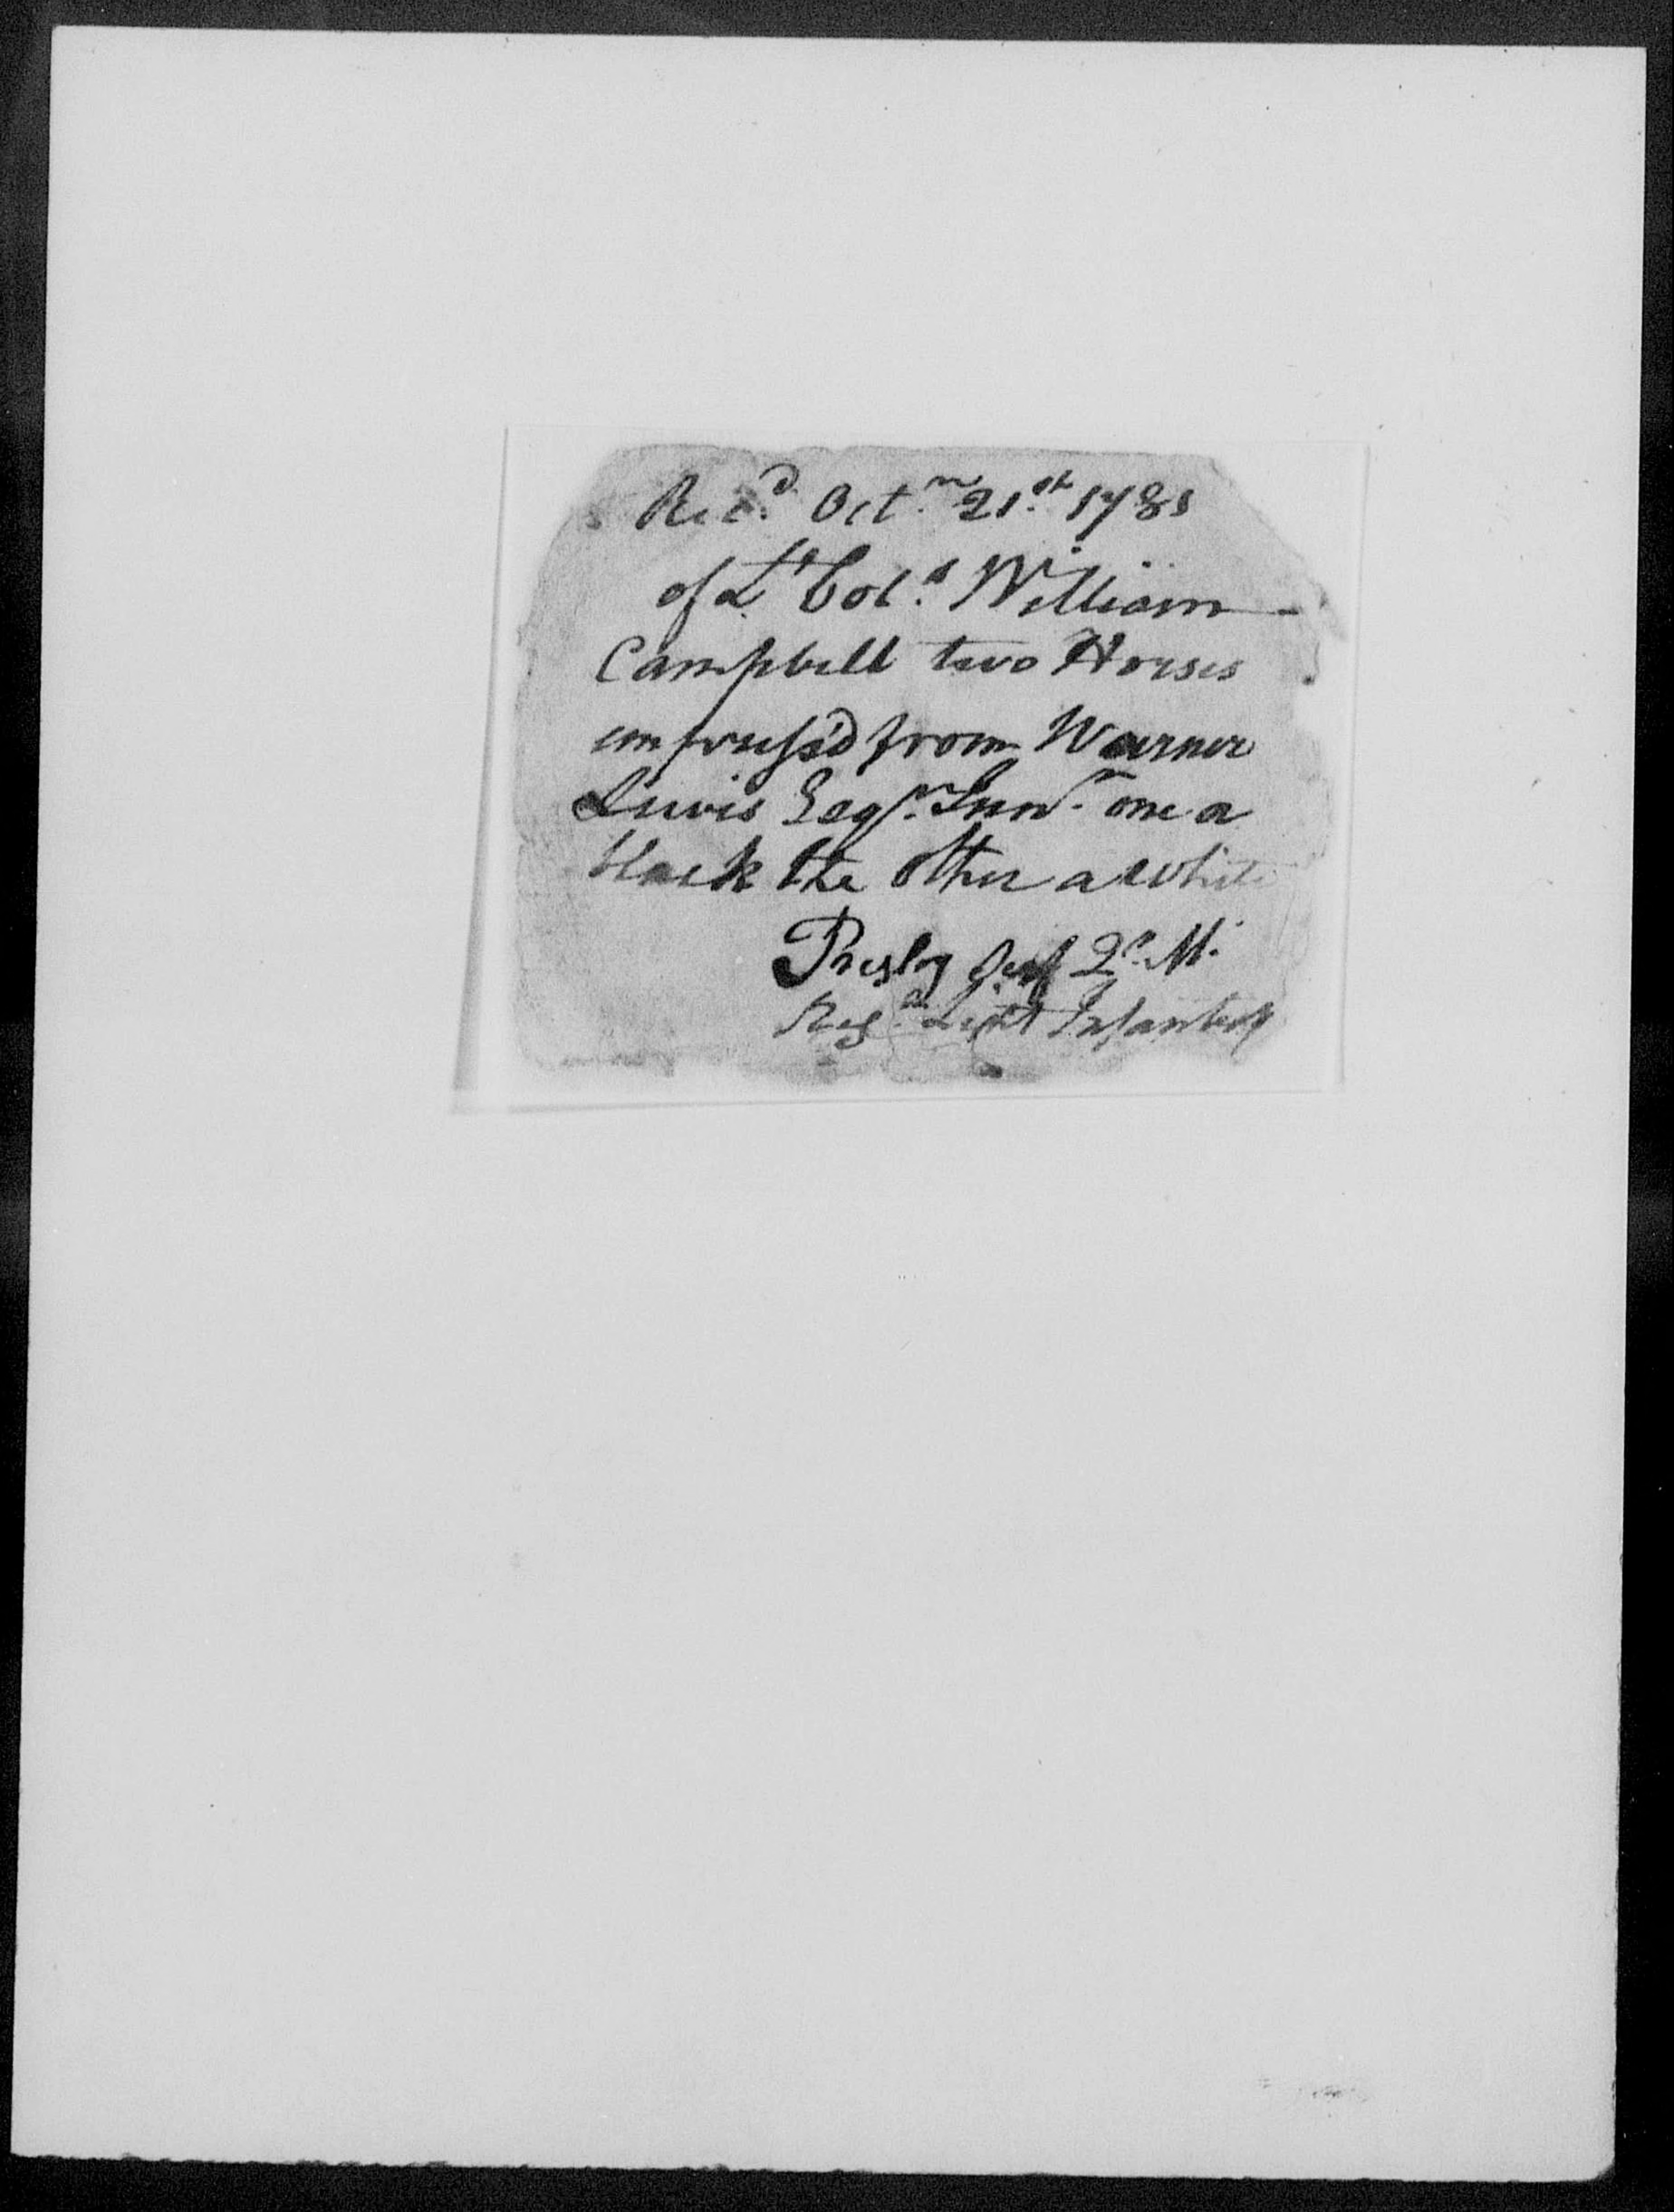Recd. Oct. 21st 1781
of Lt. Coll. William Campbell two Horses impresse'd from Warner Lewis Seqn. Innr. one a black the other a white
Presly Serf 2nd. M. Regm. Light Infantry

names: William Campbell, Warner Lewis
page: 31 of 267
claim: widow's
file: W. 4,149, William Campbell, Va.